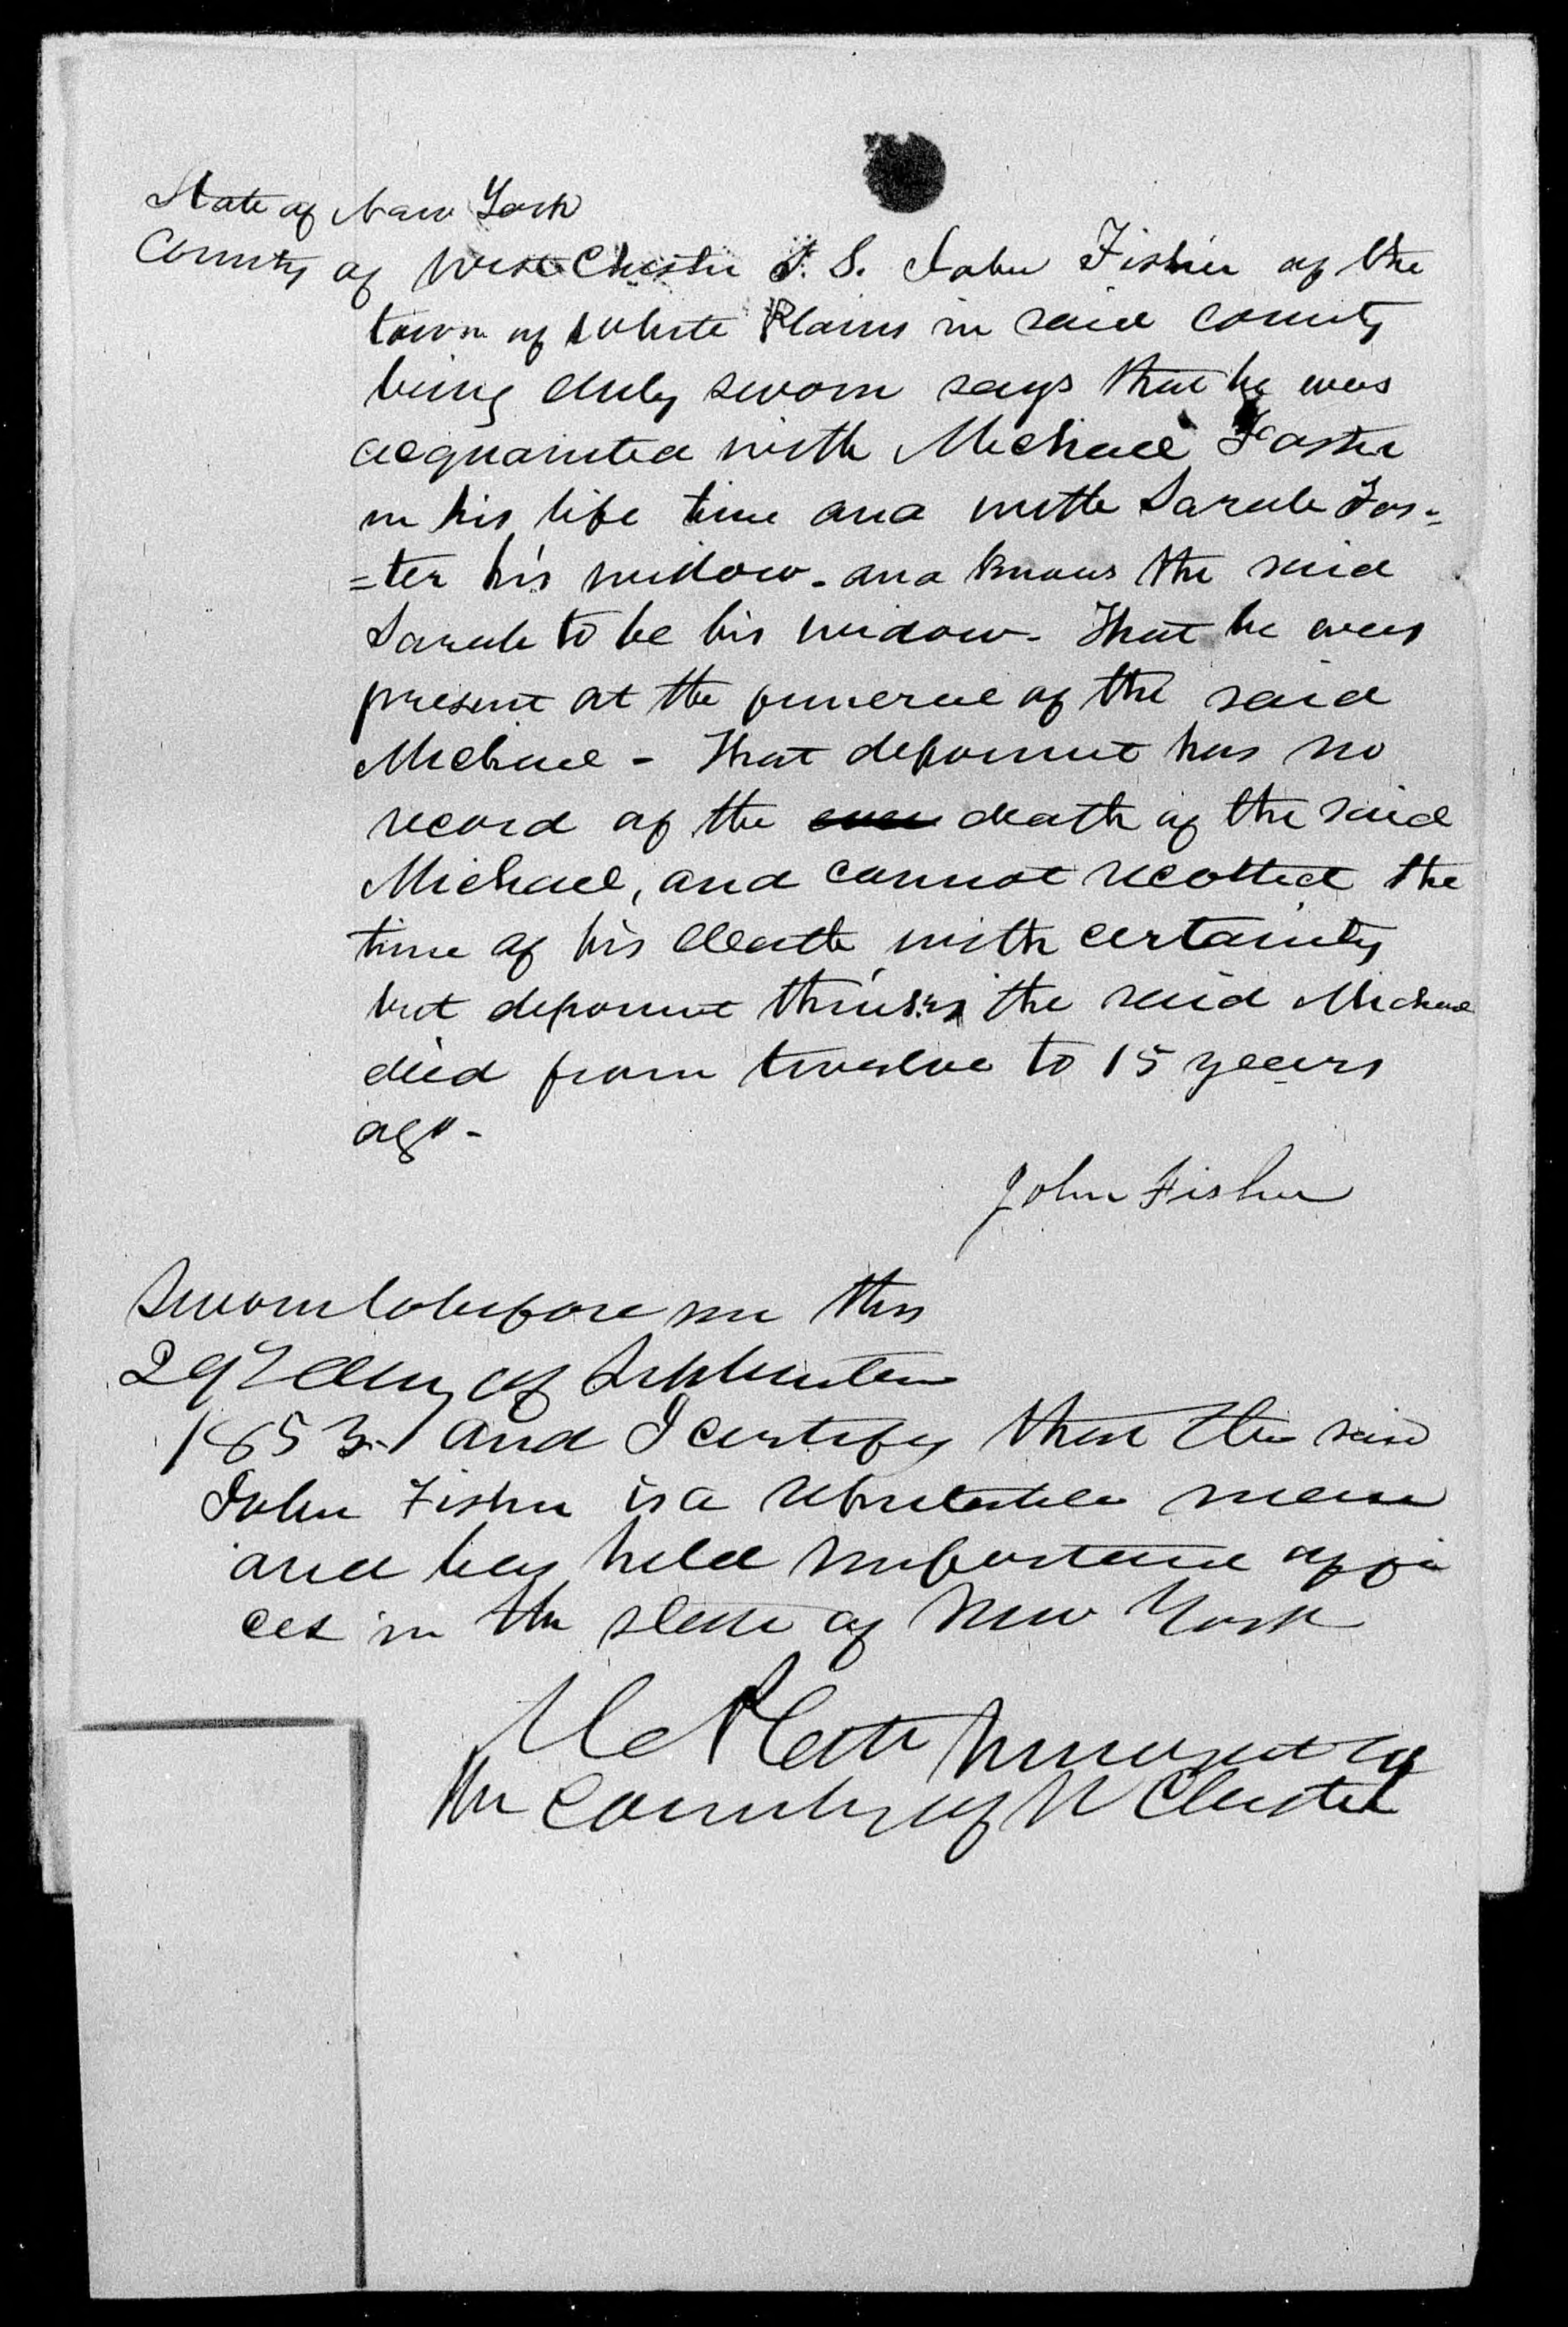State of New York
County of Westchester SS John Fisher of the town of White Plains in the said County being duly sworn says that he was acquainted with Michael Foster in his life time and with Sarah Foster his widow-and knows the said Sarah to be his widow-That he was present at the funeral of the said Michael-That deponent has no record of the death of the said Michael, and cannot recollect the time of his death with certainty but deponent thinks the said Michael died from twelve to 15 years ago.
John Fisher

Sworn to before me this 
29th day of September 
1853 and I certify that the said John Fisher is a respectable witness and has held respectable offices in the state of New York

L. C. Platt (unreadable)
The County of WChester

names: Ana Knaus, John Fisher, Sarah Foster, John Fisher, Michael Foster, John Fisher, Michael, Michael, Michael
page: 32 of 57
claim: widow's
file: W. 5275 1/2, Michael Foster, Penn.